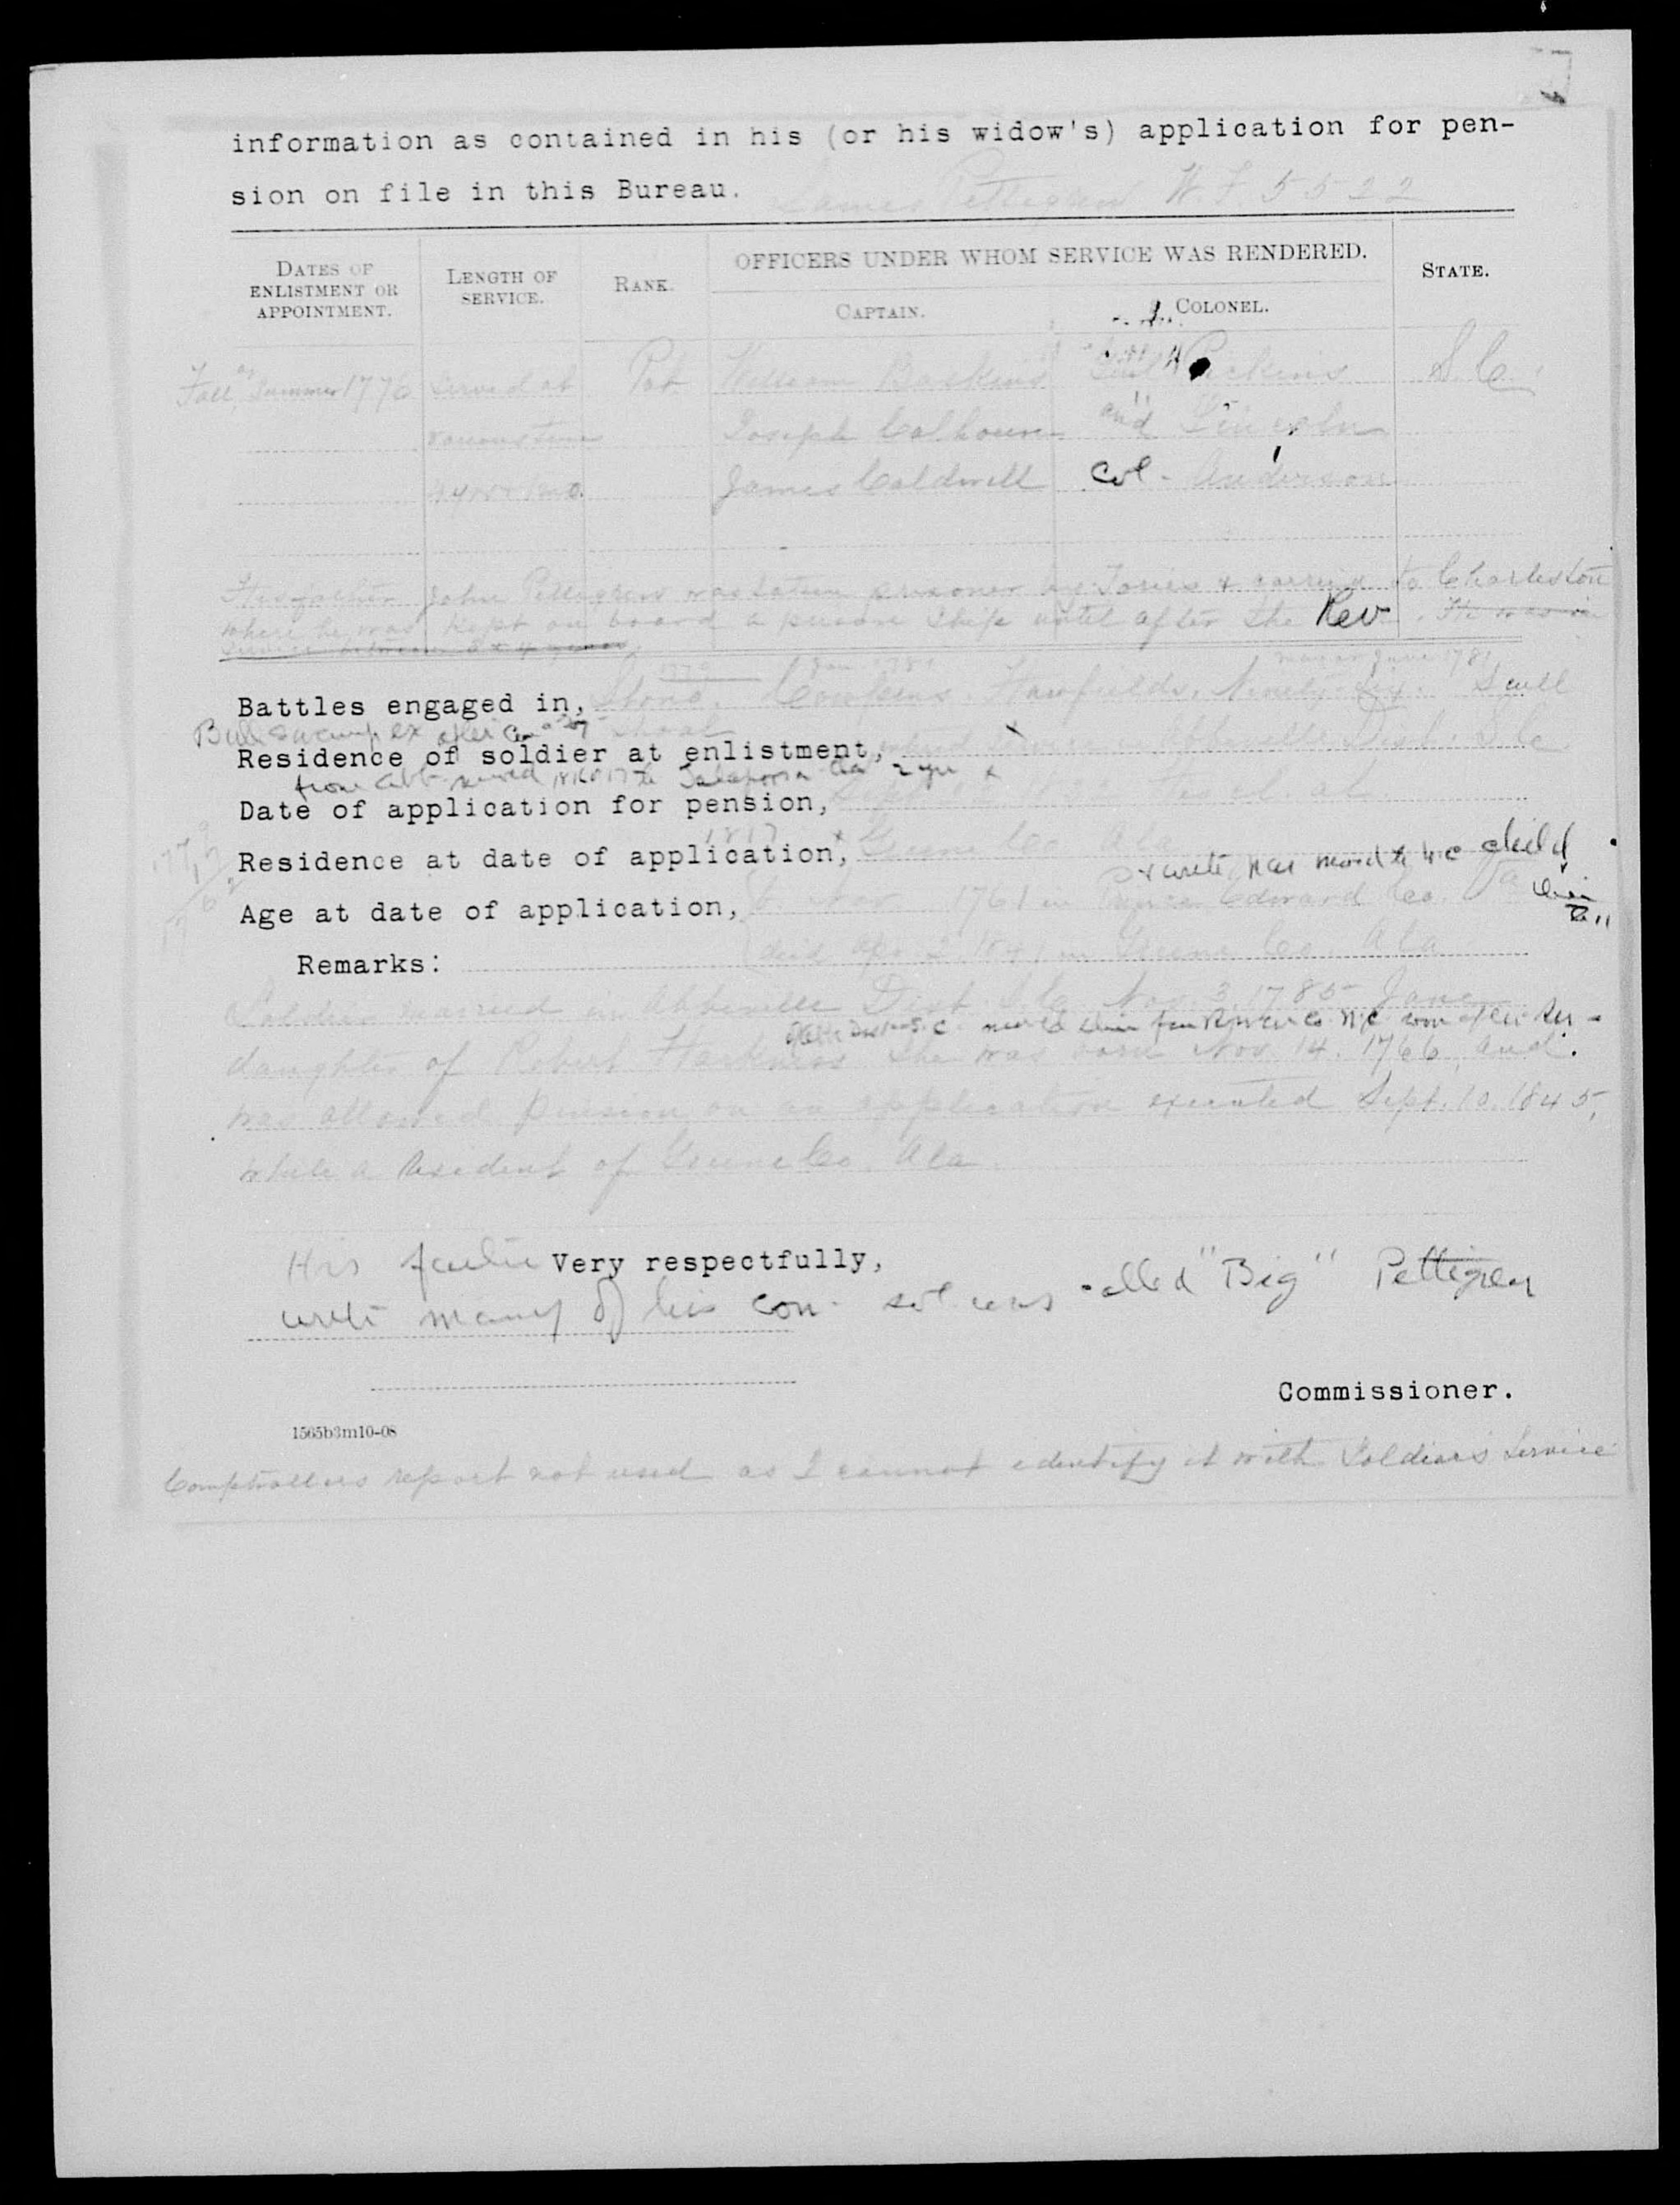[very difficult to transcribe... very light, some handwriting extremely small lettering etc]

information as contained in his (or his widow's) application for pension
on file in this Bureau.  James Pettigrew W. 5522
DATES OF
ENLISTMENT OR
APPOINTMENT.
Fall or Summer  1776

LENGTH OF
SERVICE.
[illegible]
[illegible]
[illegible]

RANK.
Prt

OFFICERS UNDER WHOM 
SERVICE WAS RENDERED.

CAPTAIN.
William Baskins
Joseph Calhoun
James Caldwell
COLONEL.
Pickens
and Lincoln
Col. Anderson
STATE.
S. C.

His father John Pettigrew was taken by Tories & carried to Charleston
where he was kept on board a prison ship until after the REV

Battles engaged in, Stono 1779  Cowpens Jan 1781   Fairfield, Ninety -Six June 1781 [illegible] 
Bull Swamp  ex after [illegible] Shoal

Residence of soldier at enlistment,  [illegible]  Abbeville Dist SC
[illegible] 
Date of application for pension, Sept 22 1832 His cl. al.

Residence at date of application,  [illegible]  Alabama

Age at date of application, 76 in Edward Co

Remarks:
Soldier married in Abbeville District S.C. Nov 3, 1785 - Jane
daughter of Robert Harkness she was born Nov 14 1766 and
was allowed pension on an application  executed Sept. 10. 1845
as state a resident of Greene Co Ala
 
very respectfully,
Commissioner,

His [illegible}
with many of his con - soldiers called "Big " Pettigrew
Comptrollers report not used as I cannot identify it with soldiers Service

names: James Pettigrew; [BLANK] Anderson; Joseph Calhoun; Robert Stark; William Baskins; [BLANK] Peckins; James Caldwell; John Pettigrew; [BLANK] Lincoln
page: 92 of 92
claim: widow's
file: W. 5522, for James Pettigrew, South Carolina